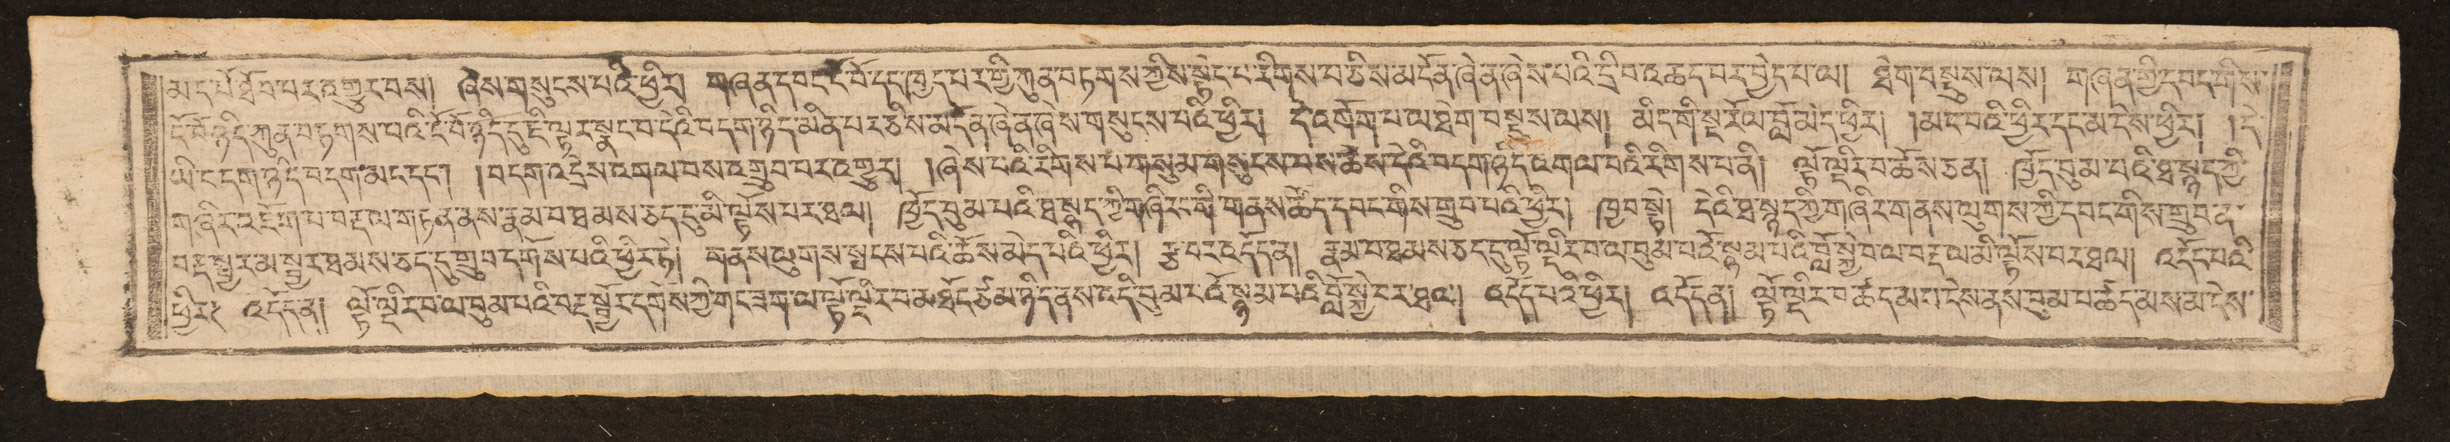མང་པོ་ཐོབ་པར་འགྱུར་བས། ཞེས་གསུངས་པའི་ཕྱིར། གཞན་དབང་ངོ་བོ་དང་ཁྱད་པར་གྱི་ཀུན་བཏགས་ཀྱིས་སྟོང་པ་རིགས་པ་ཅིས་མངོན་ཞེན་ཞེས་པའི་དྲི་བ་འཆད་པར་བྱེད་པ་ལ། ཐེག་བསྡུས་ལས། གཞན་གྱི་དབང་གིས་
ངོ་བོ་ཉིད་ཀུན་བཏགས་པའི་ངོ་བོ་ཉིད་དུ་ཇི་ལྟར་སྣང་བ་དེའི་བདག་ཉིད་མིན་བར་ཅིས་མདོ་ན་ཞེ་ན་ཞེས་གསུངས་པའི་ཕྱིར། དེ་འགོག་པ་ལ་ཐེག་བསྡུས་ལས། མིང་གི་སྔ་རོལ་བློ་མེད་ཕྱིར། །མང་བའི་ཕྱིར་དང་མ་ངེས་ཕྱིར། །དེ་
ཡི་བདག་ཉིད་བདག་མང་དང་། །བདག་འདྲེས་འགལ་བས་འགྲུབ་པར་འགྱུར། །ཞེས་པའི་རིགས་པ་གསུམ་གསུངས་པས་ཆོས་དེའི་བདག་ཉིད་འགལ་བའི་རིགས་པ་ནི། ལྟོ་ལྡིར་བ་ཆོས་ཅན། ཁྱོད་བུམ་པའི་ཐ་སྙད་ཀྱི་
གཞིར་འཇོག་པ་བརྡལ་གཏན་ནས་རྣམ་པ་ཐམས་ཅད་དུ་མི་ལྟོས་པར་ཐལ། ཁྱོད་བུམ་པའི་ཐ་སྙད་ཀྱི་གཞི་རང་གི་གནས་ཚོད་དབང་གིས་གྲུབ་པའི་ཕྱིར། ཁྱབ་སྟེ། དེའི་ཐ་སྙད་ཀྱི་གཞིར་གནས་ལུགས་ཀྱི་དབང་གིས་གྲུབ་ན་
བརྡ་སྦྱར་མ་སྦྱར་ཐམས་ཅད་དུ་གྲུབ་དགོས་པའི་ཕྱིར་ཏེ། གནས་ལུགས་སྤངས་པའི་ཆོས་མེད་པའི་ཕྱིར། རྩ་བར་འདོད་ན། རྣམ་པ་ཐམས་ཅད་དུ་ལྟོ་ལྡིར་བ་ལ་བུམ་པའོ་སྙམ་པའི་བློ་སྐྱེ་བ་ལ་བརྡ་ལ་མི་ལྟོས་བར་ཐལ། འདོད་པའི་
ཕྱིར༑ འདོད་ན། ལྟོ་ལྡིར་བ་ལ་བུམ་པའི་བརྡ་སྦྱོར་དགོས་ཀྱི་གང་ཟག་ལ་ལྟོ་ལྡིར་བ་མཐོང་ཙམ་ཉིད་ནས་འདི་བུམ་པའོ་སྙམ་པའི་བློ་སྐྱེ་བར་ཐལ། འདོད་པའི་ཕྱིར། འདོད་ན། ལྟོ་ལྡིར་བ་ཚད་མ་པ་དེས་ནས་བུམ་པ་ཚད་མས་མ་ངེས་